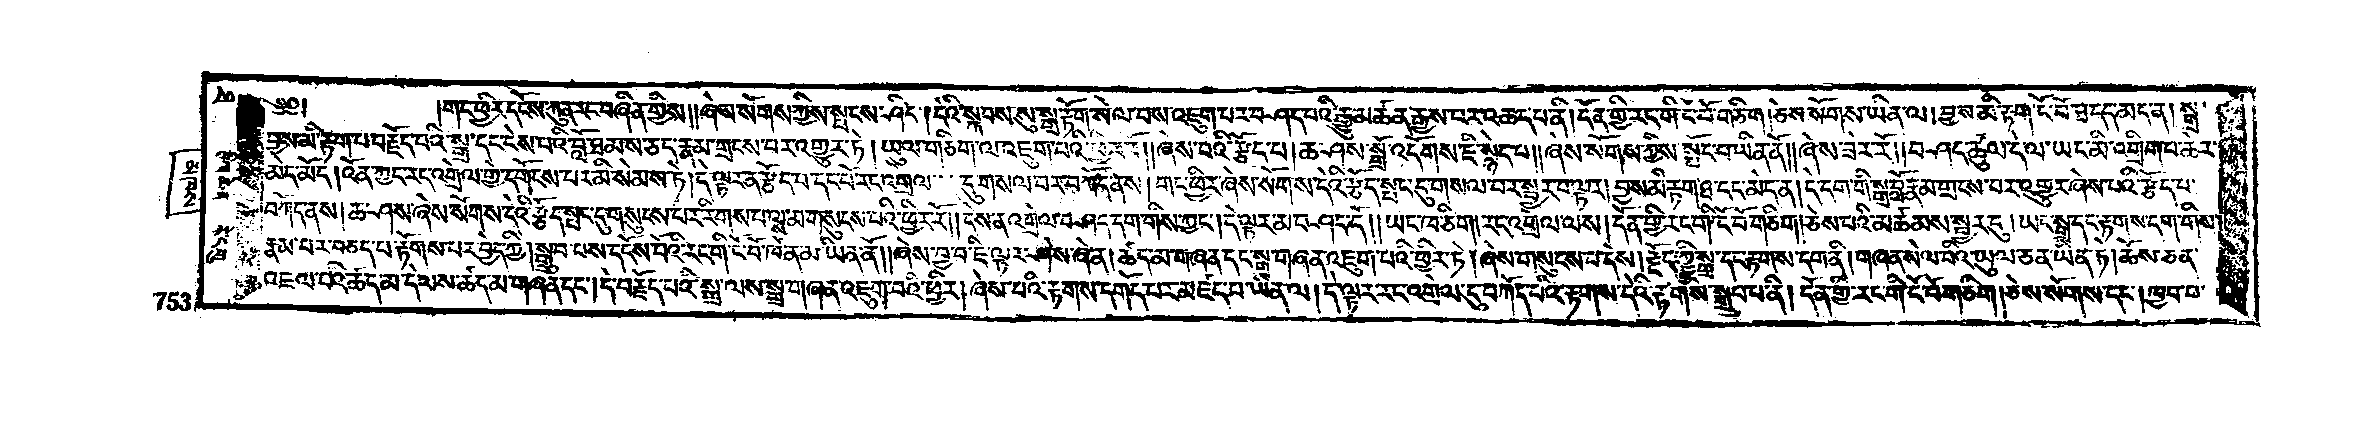༄༅། །གང་ཕྱིར་དངོས་ཀུན་རང་བཞིན་གྱིས། །ཞེས་སོགས་ཀྱིས་སྤངས་ཤིང་། དེའི་སྐབས་སུ་སྒྲ་རྟོག་སེལ་བས་འཇུག་པར་བཤད་པའི་རྒྱུ་མཚན་རྒྱས་པར་འཆད་པ་ནི། དོན་གྱི་རང་གི་ངོ་བོ་གཅིག །ཅེས་སོགས་ཡིན་ལ། བྱས་མི་རྟག་ངོ་བོ་ཐ་དད་མེད་ན། སྒྲ་
བྱས་མི་རྟག་པ་བརྗོད་པའི་སྒྲ་དང་ངེས་པའི་བློ་ཐམས་ཅད་རྣམ་གྲངས་པར་འགྱུར་ཏེ། ཡུལ་གཅིག་ལ་འཇུག་པའི་ཕྱིར་རོ། །ཞེས་བའི་རྩོད་པ། ཆ་ཤས་སྒྲོ་འདོགས་ཇི་སྙེད་པ། །ཞེས་སོགས་ཀྱིས་སྤོང་བ་ཡིན་ནོ། །ཞེས་ཟེར་རོ། །བཤད་ཚུལ་དེ་ལ་ཡང་མི་འགྲིག་པ་ཆེར་
མེད་མོད། འོན་ཀྱང་རང་འགྲེལ་གྱེ་དགོངས་པར་མི་སེམས་ཏེ། དེ་ལྟར་ན་རྩོད་པ་དང་པོ་རང་འགྲེལ་དུ་གསལ་བར་བཀོད་ནས། གང་ཕྱིར་ཞེས་སོགས་དེའི་རྩོད་སྤང་དུ་གསལ་བར་སྦྱོར་བ་ལྟར། བྱས་མི་རྟག་ཐ་དད་མེད་ན། དེ་དག་གི་སྒྲ་བློ་རྣམ་གྲངས་པར་འགྱུར་ཞེས་པའི་རྩོད་པ་
བཀོད་ནས། ཆ་ཤས་ཞེས་སོགས་དེའི་རྩོད་སྤང་དུ་གསུངས་པར་རིགས་པ་ལས་མ་གསུངས་པའི་ཕྱིར་རོ། །དེས་ན་འགྲེལ་བཤད་དག་གིས་ཀྱང་། དེ་ལྟར་མ་བཤད་དོ། །ཡང་ཁ་ཅིག། རང་འགྲེལ་ལས། དོན་གྱི་རང་གི་ངོ་བོ་གཅིག །ཅེས་པའི་མཚམས་སྦྱར་དུ། ཡང་སྒྲ་དང་རྟགས་དག་གིས་
རྣམ་པར་བཅད་པ་རྟོགས་པར་བྱེད་ཀྱི། སྒྲུབ་པས་དངོས་པོའི་རང་གི་ངོ་བོ་ཁོ་ན་མ་ཡིན་ནོ། །ཞེས་བྱ་བ་ཇི་ལྟར་ཤེས་ཞེ་ན། ཚད་མ་གཞན་དང་སྒྲ་གཞན་འཇུག་པའི་ཕྱིར་ཏེ། ཞེས་གསུངས་པ་དེས། རྗོད་བྱེད་ཀྱི་སྒྲ་དང་རྟགས་དག་ནི། གཞན་སེལ་བའི་ཡུལ་ཅན་ཡིན་ཏེ། ཆོས་ཅན་
འཇལ་བའི་ཚད་མ་དེ་ལས་ཚད་མ་གཞན་དང་། དེ་བརྗོད་པའི་སྒྲ་ལས་སྒྲ་གཞན་འཇུག་པའི་ཕྱིར། ཞེས་པའི་རྟགས་དགོད་པར་མཛད་པ་ཡིན་ལ། དེ་ལྟར་རང་འགྲེལ་དུ་བཀོད་པའི་རྟགས་དེའི་རྟགས་སྒྲུབ་པ་ནི། དོན་གྱི་རང་གི་ངོ་བོ་གཅིག །ཅེས་སོགས་དང་། ཁྱབ་པ་